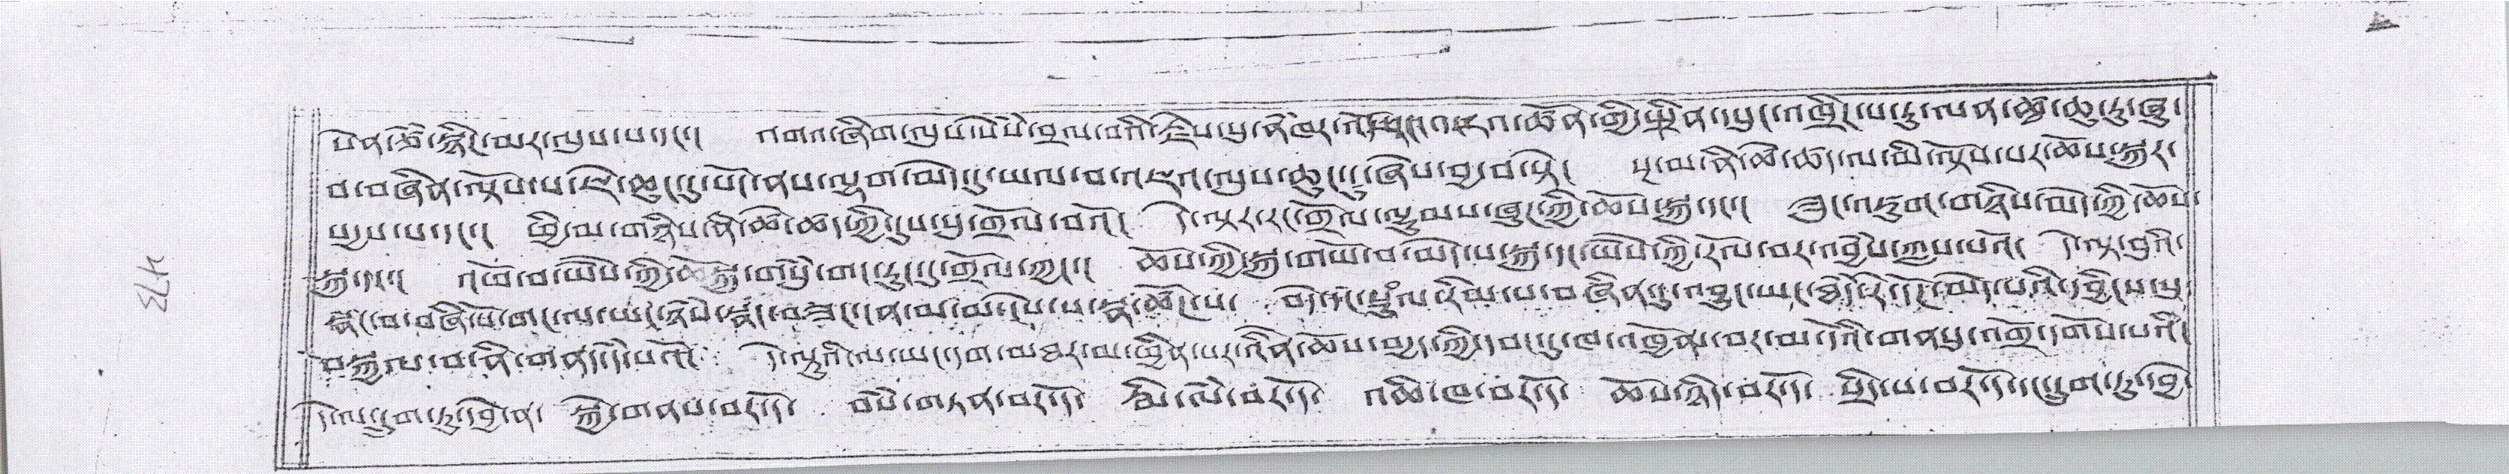སེན་ཙམ་སྙིགས་མར་ལུས་པ་དང་། འགའ་ཞིག་ལུས་སེམས་བྲལ་བའི་རྗེས་སུ་ནམ་མཁར་འོད་དང་འཇའ་ཚོན་གྱི་སྤྲིན་དཔུང་འཁྲིགས་པ་རུ་ལན་ཚྭ་ཆུ་རུ་ཞུ་
བ་བཞིན་ལྟོས་པ་ཇེ་ཆུང་དུ་སོང་ནས་ལྷག་མེད་དུ་ཡལ་བ་འཇའ་ལུས་ཆུང་ངུ་ཞེས་བྱ་བ་སྟེ། སྔ་མ་ནི་ཚེ་ཚད་ལ་མི་ལྟོས་པར་ཆོས་སྐུར་
སངས་རྒྱས་པ་དང་། ཕྱི་མ་གཉིས་ནི་ཚེ་ཚད་ཀྱི་དུས་སུ་གྲོལ་བའོ། དེ་ལྟར་རང་གྲོལ་ལྷུམ་ཞུགས་ཀྱི་ཆོས་སྐུ་དང་། ཟུང་འཇུག་གཉིས་མེད་ཀྱི་ཆོས་
སྐུ་དང་། འཕོ་བ་ཡེ་ཤེས་ཀྱི་ཆོས་སྐུ་གསུམ་གང་རུང་དུ་གྲོལ་ཀྱང་། ཆོས་ཀྱི་སྐུ་གཡོ་བ་མེད་པར་སྐུ་དང་ཡེ་ཤེས་ཀྱི་རོལ་པར་འབྱམས་ཀླས་པའོ། དེ་ལྟ་བུའི་
སྣང་བ་བཞི་པོ་གང་ལ་ཡང་ཉམས་སྣང་བཟང་ངན་ལ་མ་ངེས་སྣ་ཚོགས་པ། བདེ་དང་སྡུག་བསྔལ་རིམ་པ་བཞིན་དུ་འབྱུང་ཡང་ཐམས་ཅད་རེ་དྭོགས་མེད་པའི་དབྱིངས་སུ་
བསྐྱལ་བ་ནི་གནད་དམ་པའོ། དེ་ལྟ་བུའི་ལ་ཡང་དག་མཐར་མ་ཕྱིན་པར་འཇིག་རྟེན་ཆོས་བརྒྱད་ཀྱི་དབང་དུ་ཁ་འཁྱོལ་བར་མ་དོའི་གནས་སུ་འགྲོ་དགོས་པས་
དེ་ལ་དྲུག་ཏུ་དབྱེ་ན་སྐྱེ་གནས་བར་དོ། བསམ་གཏན་བར་དོ། རྨི་ལམ་བར་དོ། འཆི་ཁ་བར་དོ། ཆོས་ཉིད་བར་དོ། སྲིད་པ་བར་དོ་དང་དྲུག་ཏུ་དབྱེ་